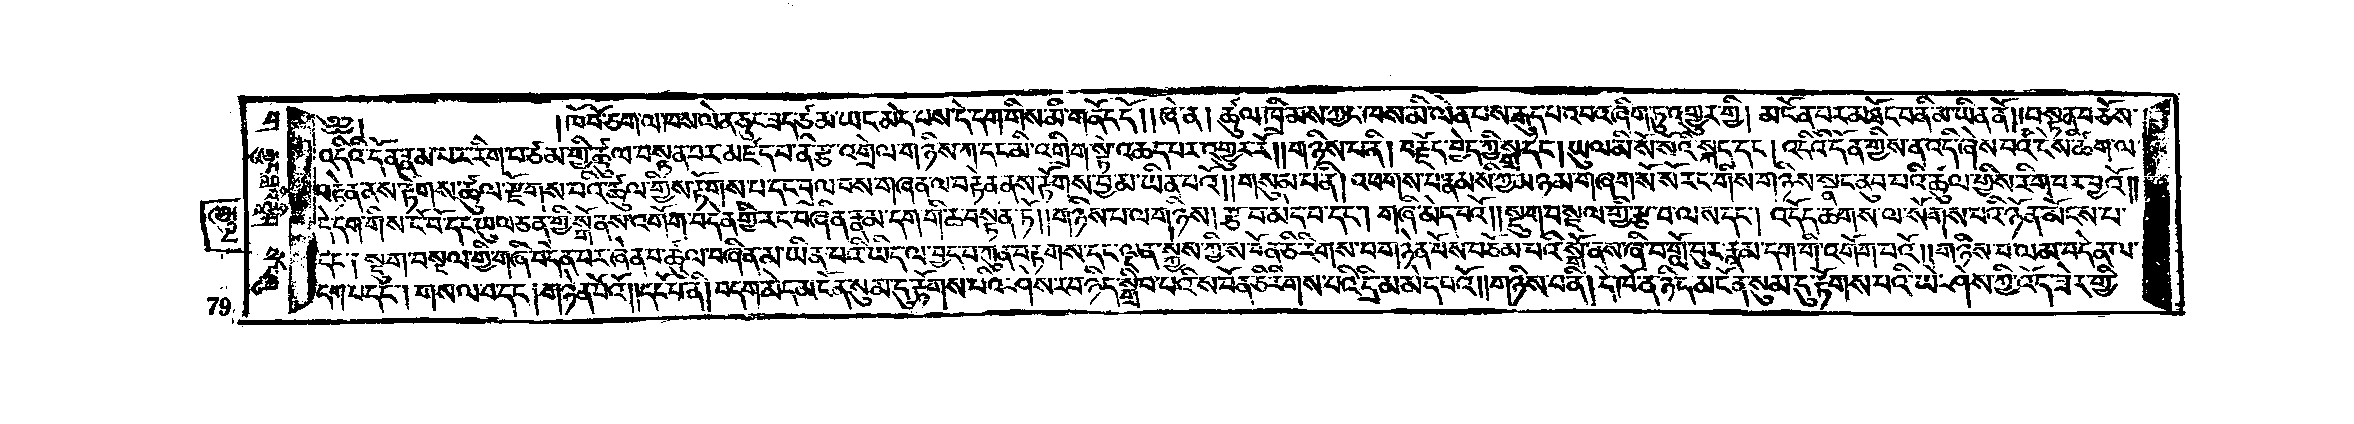༄༅། །ཁོ་བོ་ཅག་ལ་ཁས་ལེན་ཅུང་ཟད་ཙམ་ཡང་མེད་པས་དེ་དག་གིས་མི་གནོད་དོ། །ཞེ་ན། ཚུལ་ཁྲིམས་ཀྱང་ཁས་མི་ལེན་པས་རྒུད་པ་འབའ་ཞིག་ཏུ་འགྱུར་གྱི་།མངོན་པར་མཐོང་བ་ནི་མ་ཡིན་ནོ། །བསྟན་བཅོས་
འདིའི་དོན་རྣམ་པར་རིག་པ་ཙམ་གྱི་ཚུལ་བསྙན་པར་མཛད་པ་ནི་རྩ་འགྲེལ་གཉིས་ཀ་དང་མི་འགྲིག་སྟེ་འཆད་པར་འགྱུར་རོ། །གཉིས་པ་ནི། བརྗོད་བྱེད་ཀྱི་སྒྲ་དང་། ཡུལ་མི་སོ་སོའི་སྐད་དང་། འདིའི་དོན་གྱིས་ན་འདི་ཞེས་པའི་ངེས་ཚིག་ལ་
བརྟེན་ནས་རྟོགས་ཚུལ་རྫོགས་པའི་ཚུལ་གྱིས་རྟོགས་པ་དང་བྲལ་བས་གཞན་ལ་བརྟེན་ནས་རྟོགས་བྱ་མ་ཡིན་པའོ། །གསུམ་པ་ནི། འཕགས་པ་རྣམས་ཀྱི་མཉམ་གཞག་སོ་སོ་རང་གིས་གཉིས་སྣང་ནུབ་པའི་ཚུལ་གྱིས་རིག་པར་བྱའོ། །
དེ་དག་གིས་ངོ་བོ་དང་ཡུལ་ཅན་གྱི་སྒོ་ནས་འགོག་བདེན་གྱི་རང་བཞིན་རྣམ་དག་གི་ཆ་བསྟན་ཏོ། །གཉིས་པ་ལ་གཉིས། རྩ་བ་མེད་པ་དང་། གཞི་མེད་པའོ། །སྡུག་བསྔལ་གྱི་རྩ་བ་ལས་དང་། འདོད་ཆགས་ལ་སོགས་པའི་ཉོན་མོངས་པ་
དང༑ སྡུག་བསྔལ་གྱི་གཞི་བདེན་པར་ཞེན་པ་ཚུལ་བཞིན་མ་ཡིན་པའི་ཡིད་ལ་བྱད་པ་ཀུན་བརྟགས་དང་ལྡན་སྐྱེས་ཀྱི་ས་བོན་ཅི་རིགས་པ་གཉེན་པོས་བཅོམ་པའི་སྒོ་ནས་ཞི་བ་གློ་བུར་རྣམ་དག་གི་འགོག་པའོ། །གཉིས་པ་ལམ་བདེན་ལ་
དག་པ་དང་། གསལ་བ་དང་། གཉེན་པོའོ། །དང་པོ་ནི། བདག་མེད་མངོན་སུམ་དུ་རྟོགས་པའི་ཤེས་རབ་ཉིད་སྒྲིབ་པའི་ས་བོན་ཅི་རིགས་པའི་དྲི་མ་མེད་པའོ། །གཉིས་པ་ནི། དེ་ཁོ་ན་ཉིད་མངོན་སུམ་དུ་རྟོགས་པའི་ཡེ་ཤེས་ཀྱི་འོད་ཟེར་གྱི་